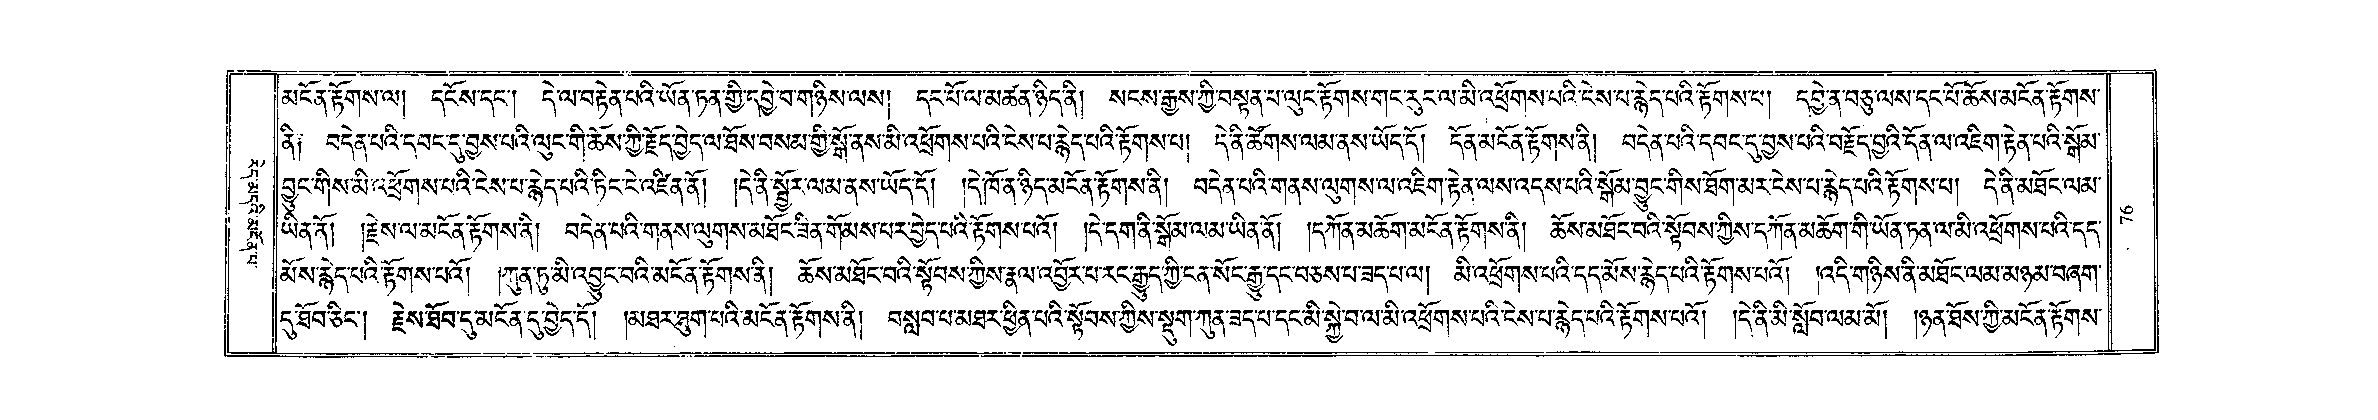མངོན་རྟོགས་ལ། དངོས་དང་། དེ་ལ་བརྟེན་པའི་ཡོན་ཏན་གྱི་དབྱེ་བ་གཉིས་ལས། དང་པོ་ལ་མཚན་ཉིད་ནི། སངས་རྒྱས་ཀྱི་བསྟན་པ་ལུང་རྟོགས་གང་རུང་ལ་མི་འཕྲོགས་པའི་ངེས་པ་རྙེད་པའི་རྟོགས་པ། དབྱེ་ན་བཅུ་ལས་དང་པོ་ཆོས་མངོན་རྟོགས་
ནི༑ བདེན་པའི་དབང་དུ་བྱས་པའི་ལུང་གི་ཆོས་ཀྱི་རྗོད་བྱེད་ལ་ཐོས་བསམ་གྱི་སྒོ་ནས་མི་འཕྲོགས་པའི་ངེས་པ་རྙེད་པའི་རྟོགས་པ། དེ་ནི་ཚོགས་ལམ་ནས་ཡོད་དོ། དོན་མངོན་རྟོགས་ནི། བདེན་པའི་དབང་དུ་བྱས་པའི་བརྗོད་བྱའི་དོན་ལ་འཇིག་རྟེན་པའི་སྒོམ་
བྱུང་གིས་མི་འཕྲོགས་པའི་ངེས་པ་རྙེད་པའི་ཏིང་ངེ་འཛིན་ནོ། །དེ་ནི་སྦྱོར་ལམ་ནས་ཡོད་དོ། །དེ་ཁོ་ན་ཉིད་མངོན་རྟོགས་ནི། བདེན་པའི་གནས་ལུགས་ལ་འཇིག་རྟེན་ལས་འདས་པའི་སྒོམ་བྱུང་གིས་ཐོག་མར་ངེས་པ་རྙེད་པའི་རྟོགས་པ། དེ་ནི་མཐོང་ལམ་
ཡིན་ནོ། །རྗེས་ལ་མངོན་རྟོགས་ནི། བདེན་པའི་གནས་ལུགས་མཐོང་ཟིན་གོམས་པར་བྱེད་པའི་རྟོགས་པའོ། །དེ་དག་ནི་སྒོམ་ལམ་ཡིན་ནོ། །དཀོན་མཆོག་མངོན་རྟོགས་ནི། ཆོས་མཐོང་བའི་སྟོབས་ཀྱིས་དཀོན་མཆོག་གི་ཡོན་ཏན་ལ་མི་འཕྲོགས་པའི་དད་
མོས་རྙེད་པའི་རྟོགས་པའོ། །ཀུན་ཏུ་མི་འབྱུང་བའི་མངོན་རྟོགས་ནི། ཆོས་མཐོང་བའི་སྟོབས་ཀྱིས་རྣལ་འབྱོར་པ་རང་རྒྱུད་ཀྱི་ངན་སོང་རྒྱུ་དང་བཅས་པ་ཟད་པ་ལ། མི་འཕྲོགས་པའི་དད་མོས་རྙེད་པའི་རྟོགས་པའོ། །འདི་གཉིས་ནི་མཐོང་ལམ་མཉམ་བཞག་
དུ་ཐོབ་ཅིང་། རྗེས་ཐོབ་དུ་མངོན་དུ་བྱེད་དོ། །མཐར་ཐུག་པའི་མངོན་རྟོགས་ནི། བསླབ་པ་མཐར་ཕྱིན་པའི་སྟོབས་ཀྱིས་སྡུག་ཀུན་ཟད་པ་དང་མི་སྐྱེ་བ་ལ་མི་འཕྲོགས་པའི་ངེས་པ་རྙེད་པའི་རྟོགས་པའོ། །དེ་ནི་མི་སློབ་ལམ་མོ། །ཉན་ཐོས་ཀྱི་མངོན་རྟོགས་